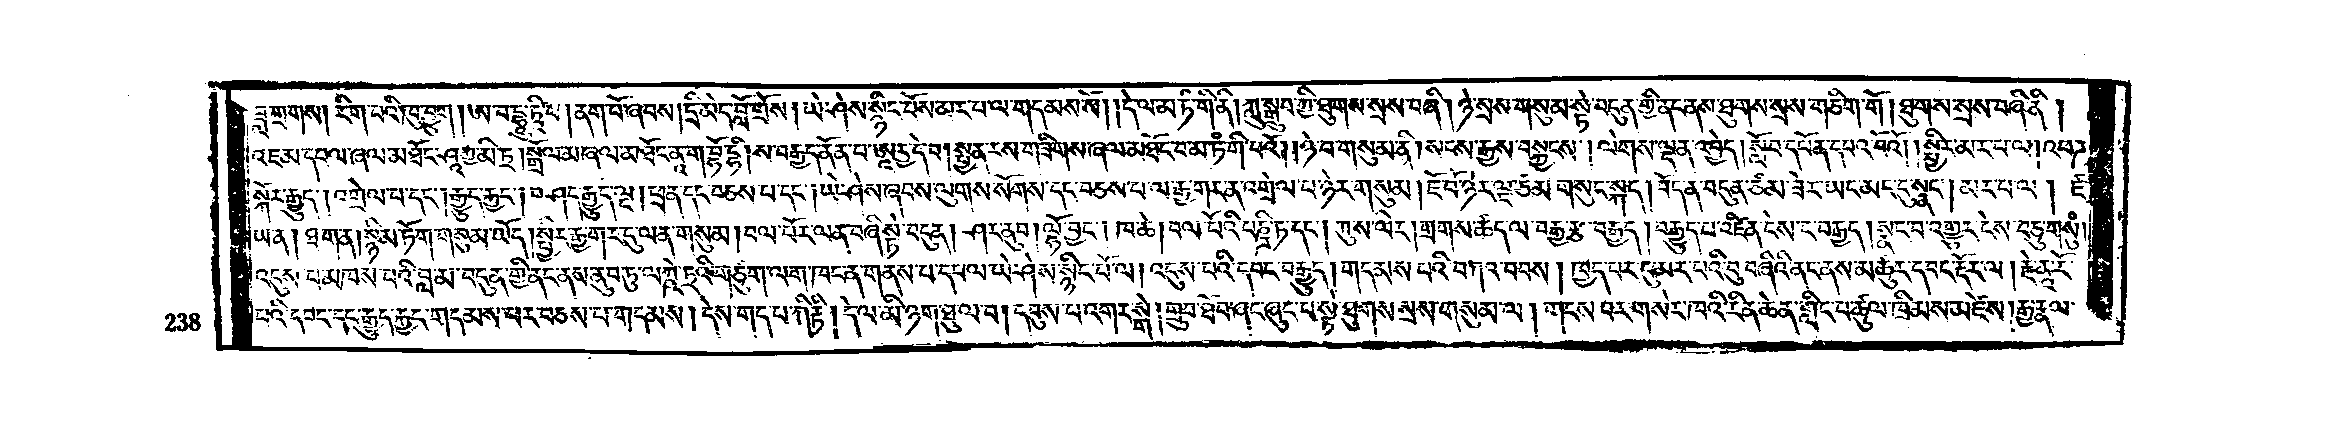ཟླ་གྲགས། རིག་པའི་ཁུ་བྱུག །ཨ་བ་དྷཱུ་ཏཱི་པ། ནག་པོ་ཞབས། དྲི་མེད་བློ་གྲོས། ཡེ་ཤེས་སྙིང་པོས་མར་པ་ལ་གདམས་སོ། །དེ་ལ་མ་ཏི་གི་ནི། ཀླུ་སྒྲུབ་ཀྱི་ཐུགས་སྲས་བཞི། ཉེ་སྲས་གསུམ་སྟེ་བདུན་གྱི་ནང་ནས་ཐུགས་སྲས་གཅིག་གོ །ཐུགས་སྲས་བཞི་ནི།
འཇམ་དཔལ་ཞལ་མཐོང་ཤཱཀྱ་མི་ཏྲ། སྒྲོལ་མ་ཞལ་མཐོང་ནཱ་ག་བྷོ་དྷི། ས་བརྒྱད་ནོན་པ་ཨའརཡ་དེ་བས། སྤྱན་རས་གཟིགས་ཞལ་མཐོང་བ་མ་ཏཾ་གི་པའོ། །ཉེ་བ་གསུམ་ནི། སངས་རྒྱས་བསྐྱངས། ལེགས་ལྡན་འབྱེད། སློབ་དཔོན་དཔའ་བོའོ། །སྤྱིར་མར་པ་ལ། འཕགས་
སྐོར་རྒྱུད། འགྲེལ་པ་དང་། རྒྱུད་རྐྱང་། བཤད་རྒྱུད་ལྔ། ཕྲན་དང་བཅས་པ་དང་། ཡེ་ཤེས་ཞབས་ལུགས་སོགས་དང་བཅས་པ་ལ་རྒྱ་གར་ན་འགྲེལ་པ་ཉེར་གསུམ། ཇོ་བོ་ཉེར་ལྔ་ཙམ་གསུང་སྐད། བོད་ན་བདུན་ཙམ་ཟེར་ཡང་མང་དུ་སྣང་། མར་པ་ལ། ཛ་
ཡ་ན། ཐག་ན། སྙིམ་ཏོག་གསུམ་ཡོད། སྤྱིར་རྒྱ་གར་དུ་ལན་གསུམ། བལ་པོར་ལན་བཞི་སྟེ་བདུན། ཤར་ནུབ། ལྷོ་བྱང་། ཁ་ཆེ། བལ་པོའི་པཎྜི་ཏ་དང་། ཀུ་ས་ལིར། གྲགས་ཚད་ལ་བརྒྱ་རྩ་བརྒྱད། བརྒྱུད་པ་འཛིན་ངེས་ང་བརྒྱད། སྣང་བ་འགྱུར་ངེས་བཅུ་གསུམ།
འདུས་པ་མཁས་པའི་བླ་མ་བདུན་གྱི་ནང་ནས་ཏུ་ལཀྵེ་ཏྲའི་གཙུག་ལག་ཁང་ན་གནས་པ་དཔལ་ཡེ་ཤེས་སྙིང་པོ་ལ། འདུས་པའི་དབང་བརྒྱུད། གདམས་པའི་བཀའ་བབས། ཁྱད་པར་དུ་མར་བའི་བུ་བཞིའི་ནང་ནས་མཚུར་དབང་རྡོར་ལ། རྗེ་ནཱ་རོ་
པའི་དབང་དང་རྒྱུད་རྐྱང་གདམས་པར་བཅས་པ་གདམས། དེས་གད་པ་ཀིརྟི། དེ་ལ་མི་ཉག་ཐུ་ལ་བ། དབུས་པ་འགར་སྒེ། གྲུབ་ཐོབ་ཞང་ཞུང་པ་སྟེ་ཐུགས་སྲས་གསུམ་ལ། གངས་བར་གསེར་ཁའི་རིན་ཆེན་གླིང་པ་ཚུལ་ཁྲིམས་མཛེས། རྒྱ་རྣལ་